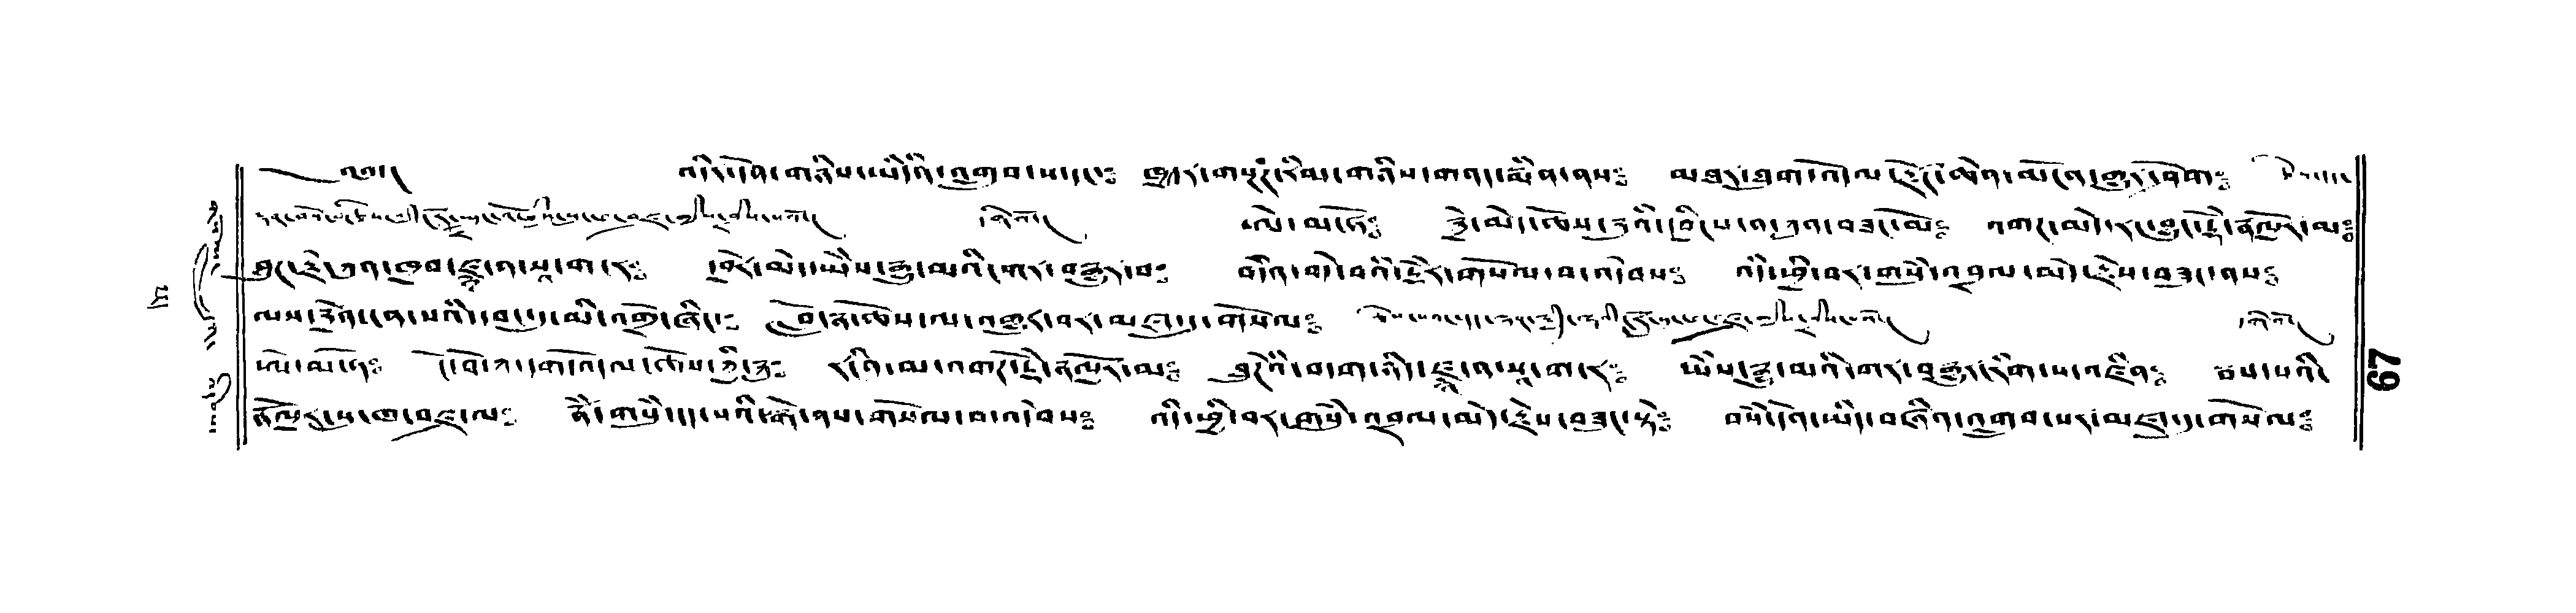འདིར་དོན་གཉིས་ཡིད་བཞིན་འགྲུབ་པ་དང༔ ཁྱད་པར་གསང་སྔགས་རིམ་གཉིས་གནད་སྨིན་ནས༔ མཐར་ཐུག་འོད་གསལ་རྫོགས་ཆེན་མངོན་གྱུར་ཤོག༔ ཅེས་དད་
ལྡན་བསོ་གཅོད་ཀྱི་ངོར་སྤྲང་འཁྱམས་སུ་ཁ་བཛྲ་གྱིས་བྲིས་པའོ།། ཨེ་མ་ཧོཿ སྐྱེ་མེད་ཆོས་སྐུའི་དབྱིངས་ན་ཀུན་བཟང་མོ༔ འགགས་མེད་རང་བྱུང་རྡོར་རྗེ་རྣལ་འབྱོར་མ༔ 
ཐུགས་རྗེ་ཀུན་ཁྱབ་ཛྙཱ་ན་སཱ་ག་ར༔ དབྱེར་མེད་ཡེ་ཤེས་སྒྱུ་མའི་གར་བསྒྱུར་བ༔ བདེ་ཆེན་བདེ་བའི་རྡོ་རྗེ་གསོལ་བ་འདེབས༔ འདི་ཕྱི་བར་གསུམ་འབྲལ་མེད་རྗེས་བཟུང་ནས༔ 
ལས་རྐྱེན་ངན་པའི་དབང་དུ་མི་འགྲོ་ཞིང༔ བློ་སྣ་ཆོས་ལ་འགྱུར་བར་མཛད་དུ་གསོལ༔ ཅེས་པའང་དད་ལྡན་སྐྱིད་ལྷའི་ངོར་སུ་བཛྲ་གྱིས་བྲིས་པའོ།། དགེའོ། 
ཨེ་མ་ཧོཿ ངོ་བོ་ཀ་དག་འོད་གསལ་ཆོས་ཀྱི་སྐུ༔ རང་བཞིན་མ་འགགས་རྡོ་རྗེ་རྣལ་འབྱོར་མ༔ ཐུགས་རྗེའི་བདག་ཉིད་ཛྙཱ་ན་སཱ་ག་ར༔ ཡེ་ཤེས་སྒྱུ་མའི་གར་བསྒྱུར་རིག་པ་འཛིན༔ སྦས་པའི་
རྣལ་འབྱོར་སུ་ཁ་བཛྲ་ལཿ རྣམ་གསུམ་དད་པའི་སྒོ་ནས་གསོལ་བ་འདེབས༔ འདི་ཕྱི་བར་གསུམ་འབྲལ་མེད་རྗེས་བཟུང་སྟེ༔ བསམ་དོན་ཡིད་བཞིན་འགྲུབ་པར་མཛད་དུ་གསོལ༔